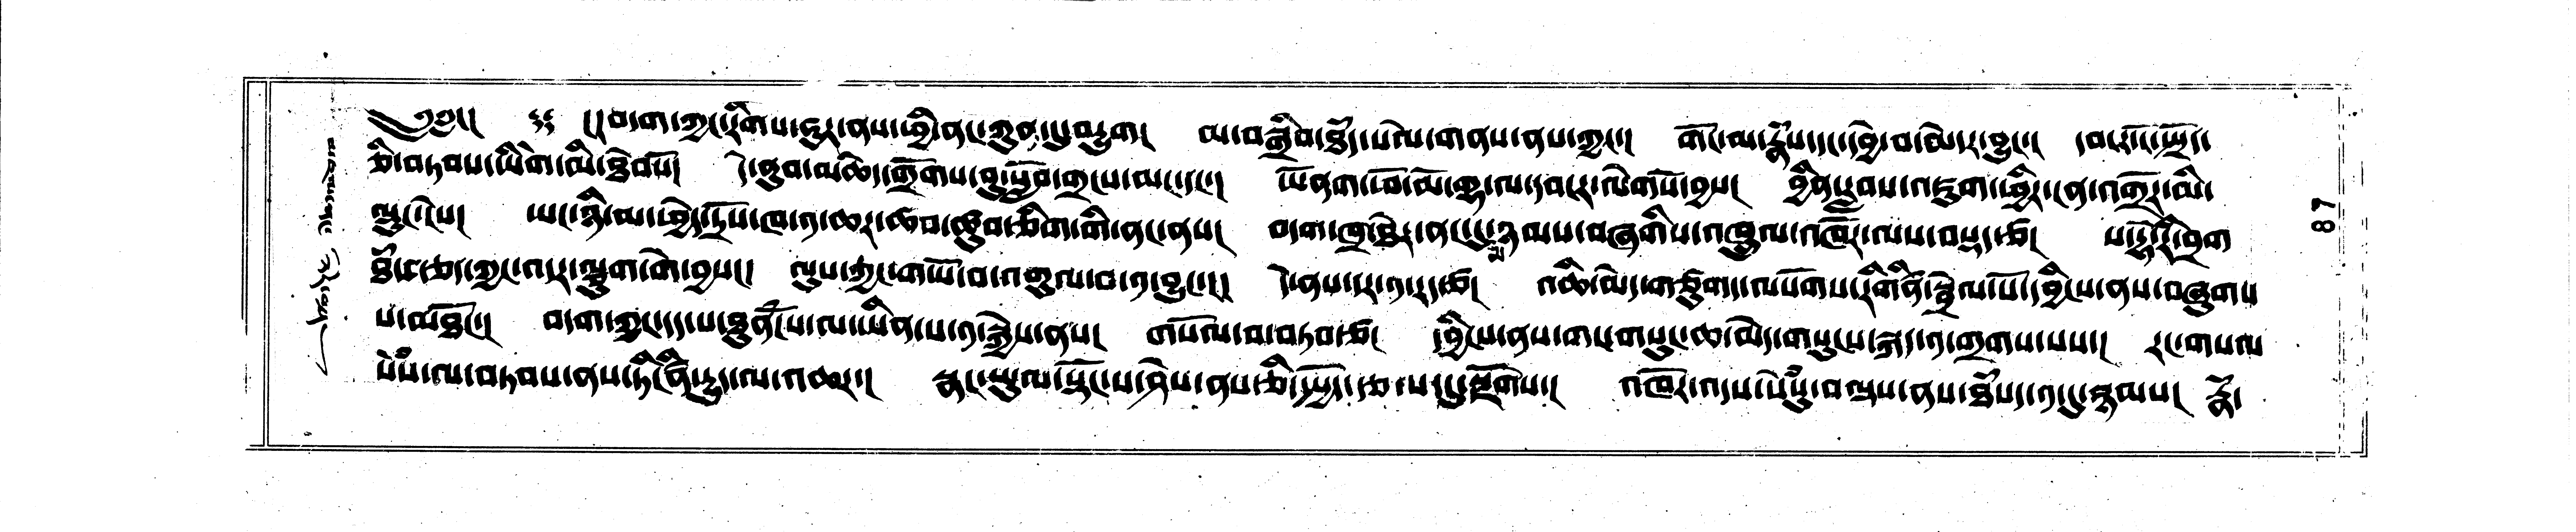བདག་ཀྱང་རིགས་ཧུར་ནས་ཕྱི་ནང་ཀུན་དུ་བརྒྱུག མ་བསྒྲིབ་ཐམས་ཅད་སལེ་གནས་ནས་ཀྱང་། གོང་མ་རྣམས་དང་དབྱེ་བ་མེད་པར་བྱུང་། དབང་བསྐུར་ངོ་སྤྲོད་
ཅི་བཏབ་ཡི་གེ་མི་ཐེབས་སོ། དེ་ནུབ་མཆེད་གྲོགས་བུ་སློབ་གྲངས་མང་དང་། ཡོན་བདག་ཕོ་མོ་གྷ་ལ་དབང་བསྐུར་ལེགས་སོ་བྱས། བྱིན་རླབས་འཇུག་ཕྱིར་ངན་འགྲོར་མི་
ལྷུང་ངེས། ཡང་ཉི་མ་ཕྱེད་དྲོས་ཁ་གཅིག་ཆར་ཚབ་ཚུབ་ཅིག་གི་ནང་ནས། བདག་ཁྲ་ཐེར་ནང་དུ་མི་མཉམ་བཞག་གིས་འཁྲུལ་འཁོར་ལས་བསྡད་ཙ། ས་དྷོ་རི་བྲག་
ཐམས་ཅད་ཀྱང་འདར་ལྕུག་གེ་བྱས། ལུས་ཀྱང་གཡོ་བ་འགུལ་བ་གཅིག་བྱུང་། དེ་ནས་དར་གཅིག་རེད་ཙ། འཆི་མེད་གཙུག་ཕུད་ལ་སོགས་རིག་འཛིན་སྦྲེལ་པོ་དབྱིངས་ནས་བཞུགས་
པ་མཐོང་། བདག་ཀྱང་དད་པ་ཐུན་མོངས་མ་ཡིན་པ་གཅིག་སྐྱེས་ནས། གསོལ་བ་བཏབ་ཙ། དབྱིངས་ནས་གང་གསུང་ཆ་མེད་གསུངས་སྐད་གཅིག་གྲགས་པས། རང་གསལ་
སེམས་ལ་བཏབས་ནས་ཏིང་འཛིན་རྒྱུད་ལ་འཆར། སྣང་ཡུལ་སྟོང་པ་ཤེས་ནས་ཅི་སྤྱོད་རྩལ་དུ་རྫོགས། འཁོར་འདས་སེམས་སུ་བལྟས་ནས་ཐམས་ཅད་གཅིག་དུ་སྙམས༼མཉམ༽། རྣམ་